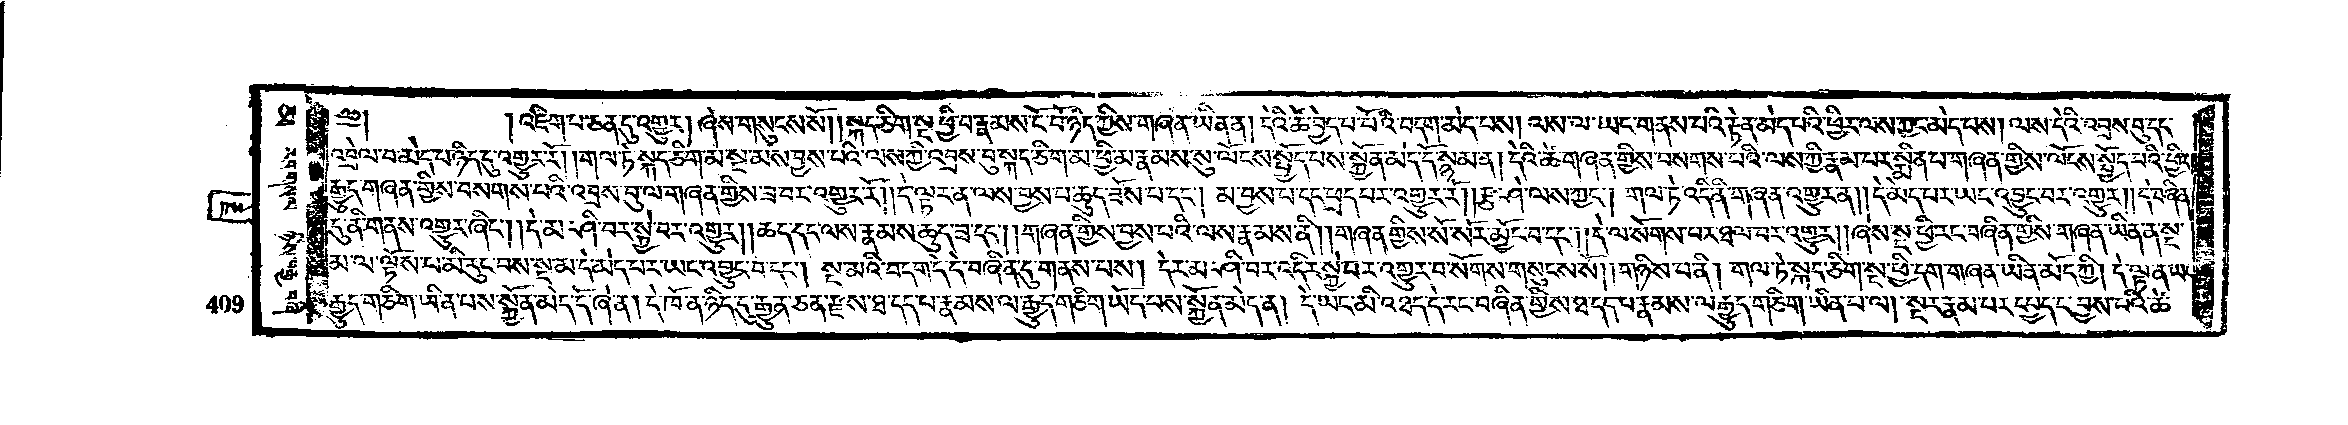༄༅། །འཇིག་པ་ཅན་དུ་འགྱུར། ཞེས་གསུངས་སོ། །སྐད་ཅིག་སྔ་ཕྱི་བ་རྣམས་ངོ་བོ་ཉིད་ཀྱིས་གཞན་ཡིན་ན། དེའི་ཚེ་བྱེད་པ་པོའི་བདག་མེད་པས། ལས་ལ་ཡང་གནས་པའི་རྟེན་མེད་པའི་ཕྱིར་ལས་ཀྱང་མེད་པས། ལས་དེའི་འབྲས་བུ་དང་
འབྲེལ་བ་མེད་པ་ཉིད་དུ་འགྱུར་རོ། །གལ་ཏེ་སྐད་ཅིག་མ་སྔ་མས་བྱས་པའི་ལས་ཀྱི་འབྲས་བུ་སྐད་ཅིག་མ་ཕྱི་མ་རྣམས་སུ་ལོངས་སྤྱོད་པས་སྐྱོན་མེད་དོ་སྙམ་ན། དེའི་ཚེ་གཞན་གྱིས་བསགས་པའི་ལས་ཀྱི་རྣམ་པར་སྨིན་པ་གཞན་གྱིས་ལོངས་སྤྱོད་པའི་ཕྱིར་
རྒྱུད་གཞན་གྱིས་བསགས་པའི་འབྲས་བུ་ལ་གཞན་གྱིས་ཟ་བར་འགྱུར་རོ། །དེ་ལྟར་ན་ལས་བྱས་པ་ཆུད་ཟོས་པ་དང་། མ་བྱས་པ་དང་ཕྲད་པར་འགྱུར་རོ། །རྩ་ཤེ་ལས་ཀྱང་། གལ་ཏེ་འདི་ནི་གཞན་འགྱུར་ན། །དེ་མེད་པར་ཡང་འབྱུང་བར་འགྱུར། །དེ་བཞིན་
དུ་ནི་གནས་འགྱུར་ཞིང་། །དེ་མ་ཤི་བར་སྐྱེ་བར་འགྱུར། །ཆད་དང་ལས་རྣམས་ཆུད་ཟ་དང་། །གཞན་གྱིས་བྱས་པའི་ལས་རྣམས་ནི། །གཞན་གྱིས་སོ་སོར་མྱོང་བ་དང་། །དེ་ལ་སོགས་པར་ཐལ་བར་འགྱུར། །ཞེས་སྔ་ཕྱི་རང་བཞིན་གྱིས་གཞན་ཡིན་ན་སྔ་
མ་ལ་ལྟོས་པ་མི་རུང་བས་སྔ་མ་དེ་མེད་པར་ཡང་འབྱུང་བ་དང་། སྔ་མའི་བདག་དེ་དེ་བཞིན་དུ་གནས་པས། དེར་མ་ཤི་བར་འདིར་སྐྱེ་བར་འགྱུར་བ་སོགས་གསུངས་སོ། །གཉིས་པ་ནི། །གལ་ཏེ་སྐད་ཅིག་སྔ་ཕྱི་དག་གཞན་ཡིན་མོད་ཀྱི། དེ་ལྟ་ན་ཡང་
རྒྱུད་གཅིག་ཡིན་པས་སྐྱོན་མེད་དོ་ཞེ་ན། དེ་ཁོ་ན་ཉིད་དུ་རྒྱུན་ཅན་རྫས་ཐ་དད་པ་རྣམས་ལ་རྒྱུད་གཅིག་ཡོད་པས་སྐྱོན་མེད་ན། དེ་ཡང་མི་འཐད་དེ་རང་བཞིན་གྱིས་ཐ་དད་པ་རྣམས་ལ་རྒྱུད་གཅིག་ཡིན་པ་ལ། སྔར་རྣམ་པར་དཔྱད་པ་བྱས་པའི་ཚེ་